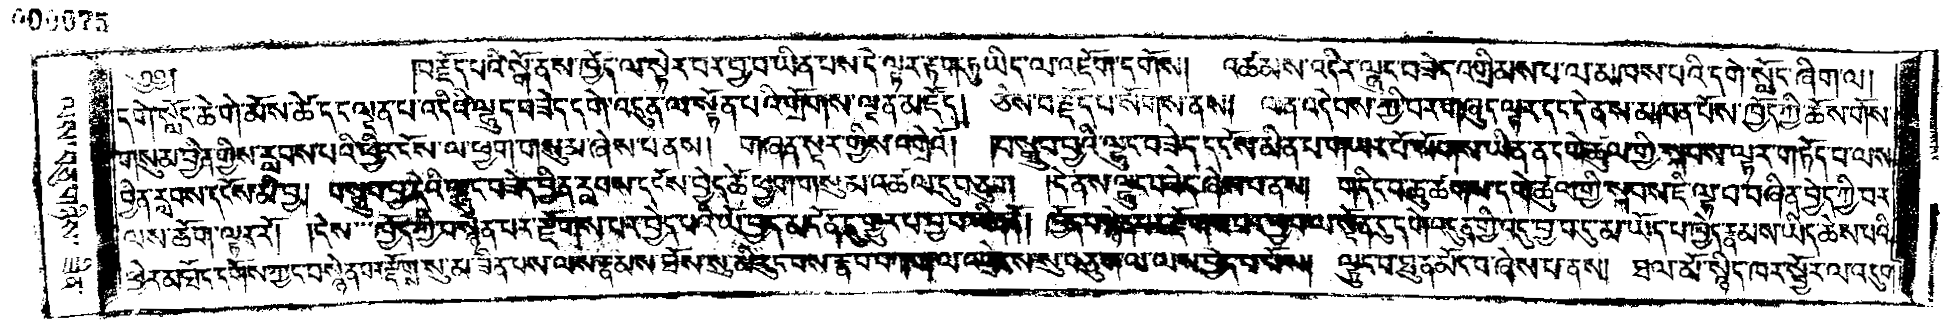༄༅། །བརྗོད་པའི་སྒོ་ནས་ཁྱོད་ལ་སྟེར་བར་བྱ་བ་ཡིན་པས་དེ་ལྟར་རྟག་ཏུ་ཡིད་ལ་འཇོག་དགོས། འཚམས་འདིར་ལྷུང་བཟེད་འགྲིམས་པ་ལ་མཁས་པའི་དགེ་སློང་ཞིག་ལ།
དགེ་སློང་ཆེ་གེ་མོས་ཚེ་དང་ལྡན་པ་འདིའི་ལྷུང་བཟེད་དགེ་འདུན་ལ་སྟོན་པའི་གྲོགས་ལྡན་མཛོད། ཅེས་བརྗོད་པ་སོགས་ནས། ལན་འདེབས་ཀྱི་བར་གཞུང་ལྟར་དང་དེ་ནས་མཁན་པོས་ཁྱོད་ཀྱི་ཆོས་གོས་
གསུམ་བྱིན་གྱིས་རླབས་པའི་ཕྱིར་ངོས་ལ་ཕྱག་གསུམ་ཞེས་པ་ནས། གཞན་སྔར་གྱིས་འགྲེའོ། །བསྒྲུབ་བྱའི་ལྷུང་བཟེད་དངོས་མིན་པ་གཡར་པོ་སོགས་ཡིན་ན་དགེ་ཚུལ་གྱི་སྐབས་ལྟར་གཏོད་པ་ལས་
བྱིན་རླབས་དངོས་མི་བྱ། བསྒྲུབ་བྱ་དེའི་ལྷུང་བཟེད་བྱིན་རླབས་དངོས་བྱེད་ཚེ་ཕྱག་གསུམ་འཚལ་དུ་བཅུག །དེ་ནས་ལྷུང་བཟེད་ཞེས་པ་ནས། གདིང་བ་ཆུ་ཚགས་དགེ་ཚུལ་གྱི་སྐབས་ཇི་ལྟ་བ་བཞིན་བྱེད་ཀྱི་བར་
ལས་ཆོག་ལྟར་རོ། །དེས་ཁྱོད་ཀྱི་བསྙེན་པར་རྫོགས་པར་བྱེད་པའི་ཡོ་བྱད་མངོན་དུ་གྱུར་པ་བྱ་བ་ཡིན་ནོ། ཁྱོད་བསྙེན་པར་རྫོགས་པར་བྱ་བ་ལ་སྔོན་དུ་དགེ་འདུན་གྱི་འདུ་བྱ་བ་དུ་མ་ཡོད་པ་ཁྱེད་རྣམས་ཡིད་ཆེས་པའི་
ཕྱིར་མཐོང་དགོས་ཀྱང་བསྙེན་པར་རྫོགས་སུ་མ་ཟིན་པས་ལས་རྣམས་ཐོས་སུ་མི་རུང་བས་རྣ་བ་བཀག་ལ་འགྲེངས་སུ་བཅུག་ལ་ལས་བྱེད་པ་པོས། ལྟུང་བ་ཐུན་མོང་བ་ཞེས་པ་ནས། ཐལ་མོ་སྙིང་ཁར་སྦྱོར་ལ་འདུག་